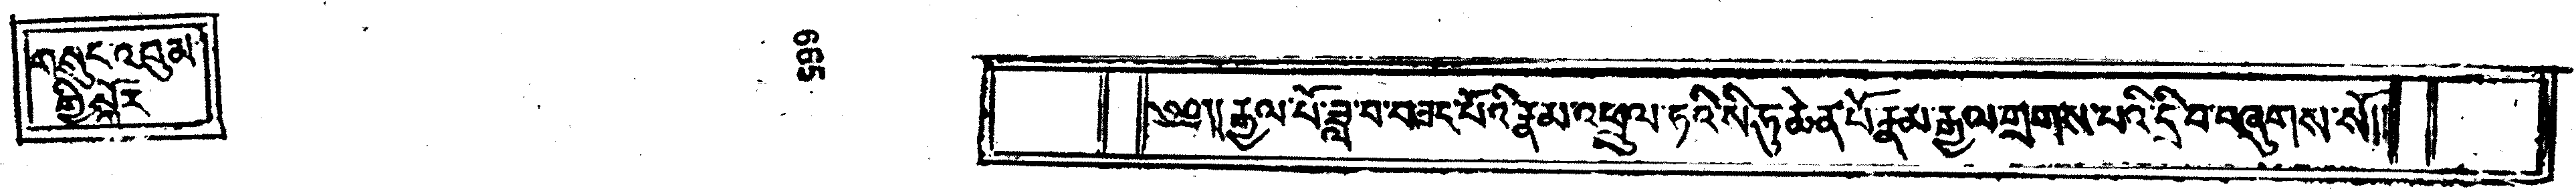གསུང་འབུམ་གྱི་སྐོར་
༄༅། །རྒྱལ་པོ་ཟླ་བ་བཟང་པོའི་རྣམ་འཕྲུལ་ཏའི་སི་ཏུ་ཆེན་པོ་རྣམ་རྒྱལ་གྲགས་པའི་དྲི་བ་བཞུགས་སོ།།